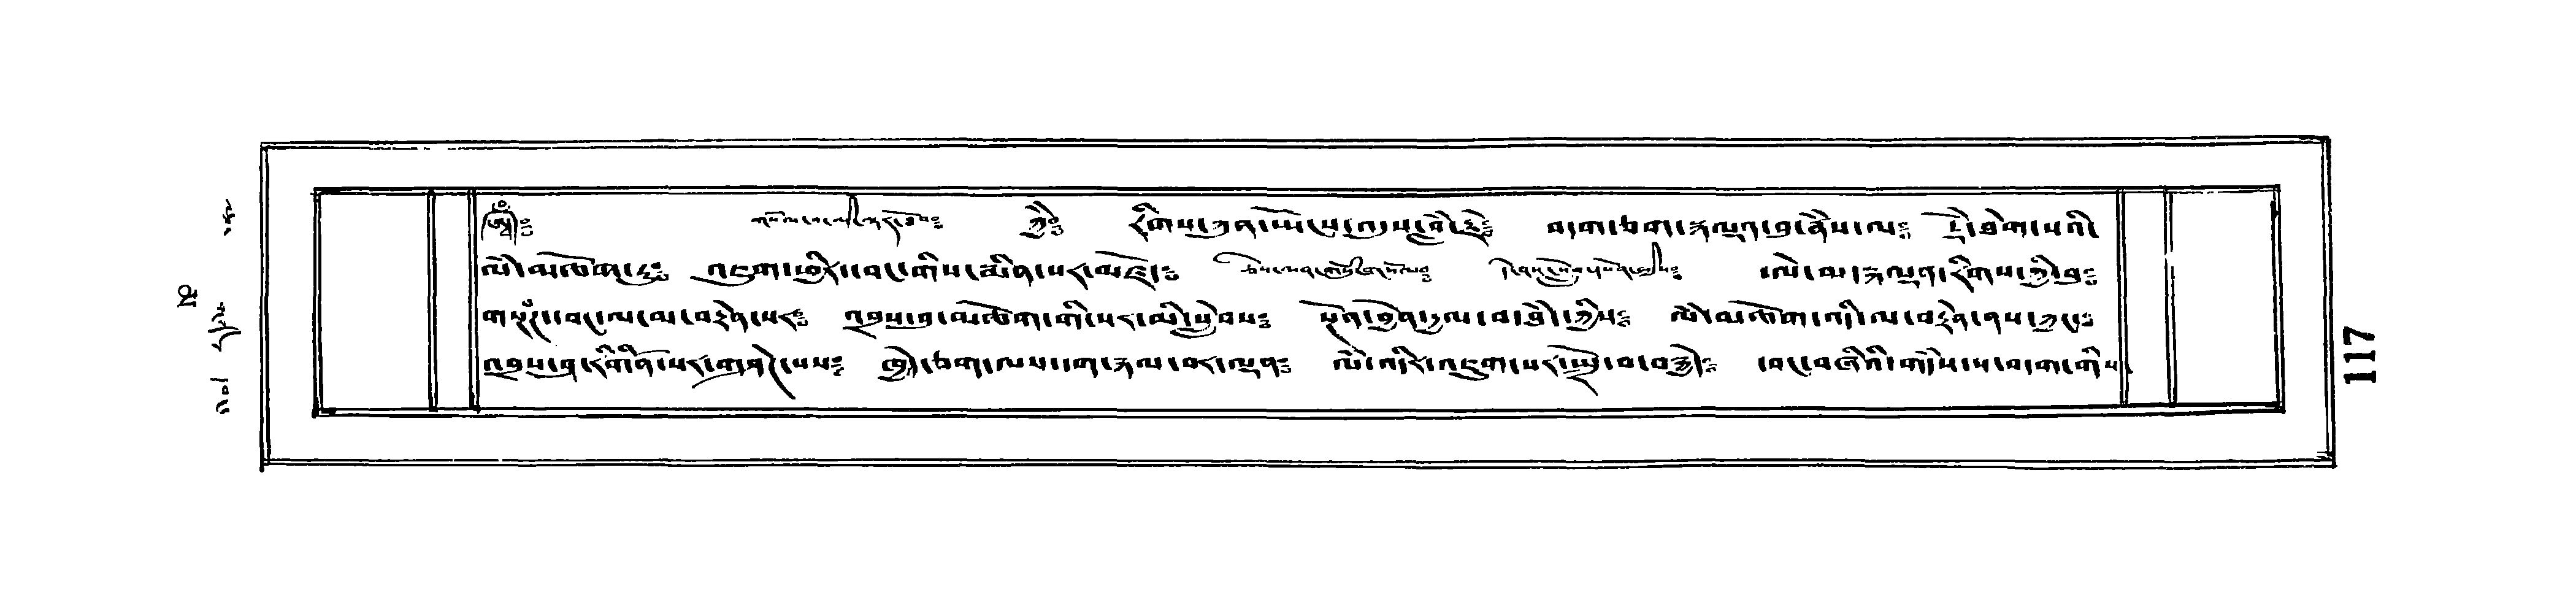གསོལ་བ་འདི་ལྟར་ཐོབ༔ ཀྱཻ༔ རིགས་ཀུན་ཡོངས་འདུས་བླ་མ་རྗེ༔ བདག་ཅག་སྐལ་ལྡན་བུ་རྣམས་ལ༔ རྡོ་རྗེ་ཐེག་པའི་
ལམ་མཆོག་ཏུ༔ འཇུག་ཕྱིར་དབང་གིས་སྨིན་པར་མཛོད༔ ཅེས་ལན་གསུམ་གསོལ༔ དེ་ནས་སློབ་དཔོན་གྱིས༔ ཨེ་མ་སྐལ་ལྡན་རིགས་ཀྱི་བུ༔ 
གསང་སྔགས་དབང་ལ་མ་བརྟེན་པར༔ འབྲས་བུ་མཆོག་གི་སར་མི་སླེབས༔ སྔོན་བྱོན་རྒྱལ་བ་ཐམས་ཅད་ཀྱིས༔ ལམ་མཆོག་འདི་ལ་བརྟེན་ནས་ཀྱང༔ 
འབྲས་བུ་རིག་འཛིན་སར་གཤེགས་པས༔ ཁྱེད་ཅག་ལས་དང་སྐལ་བར་ལྡན༔ ལམ་འདིར་འཇུག་པར་སྤྲོ་བ་བསྐྱེད༔ དབང་བཞིའི་གདམས་པ་བདག་གིས་